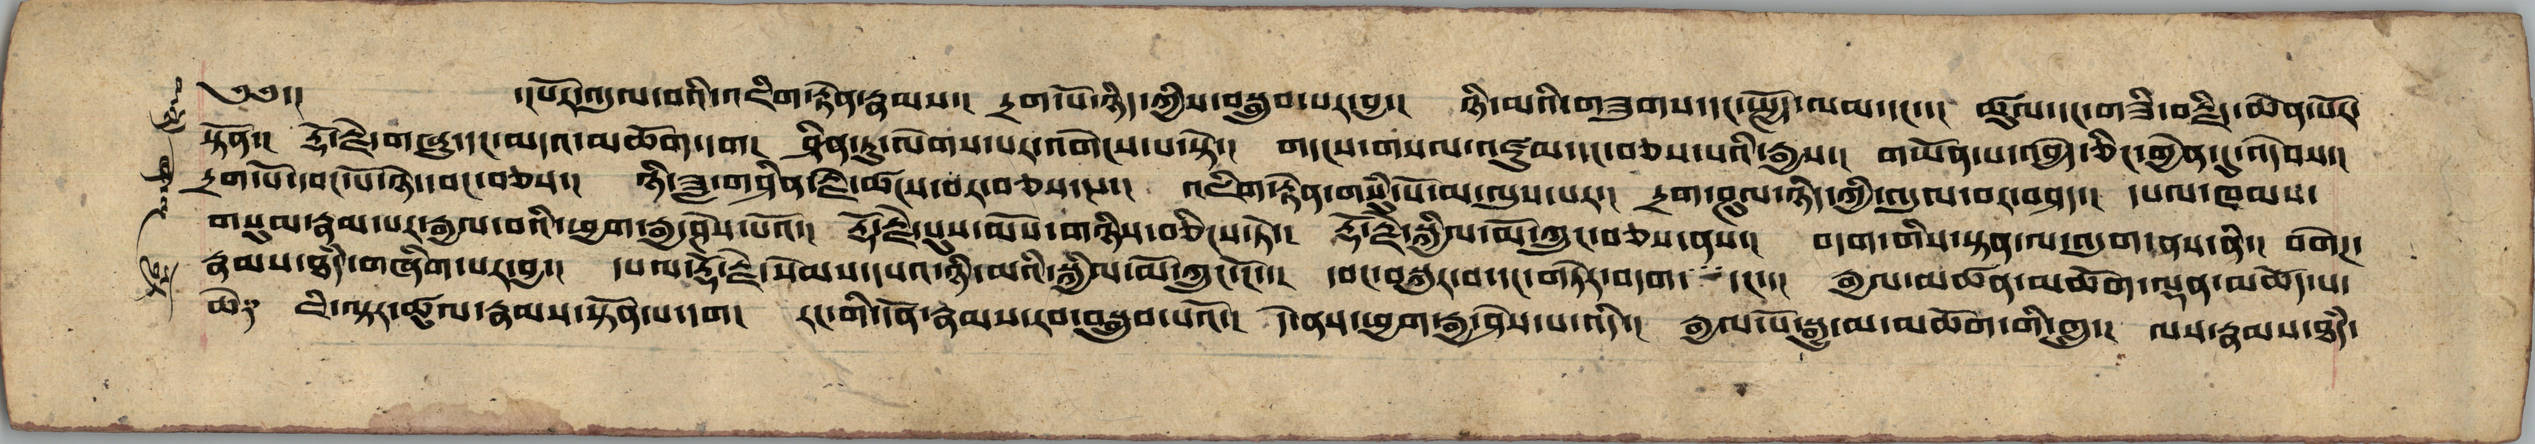༄༅་། ་།པོར་འདུལ་བའི་འཇིག་རྟེན་རྣམས་། དྲག་པོ་ཉིད་ཀྱིས་བསྒྲུབ་པར་བྱ་། ཉི་མའི་གཟུགས་དང་སྤྱོད་ལམ་དང་་། ཚུལ་དང་གཟི་བརྗིད་ཆེན་པོར་
སྟོན་། རྡོ་རྗེ་གཞུ་དང་མདའ་མཆོག་དག། ཤིན་ཏུ་ལེགས་པར་འགེངས་པ་སྟེ་། གདངས་གསལ་འཛུམ་དང་བཅས་པའི་རྒྱས་། གཡོན་པ་འབྱེད་ཅིང་གྱེན་དུ་འདེབས་།
དྲག་པོ་དབང་པོ་ཉེ་དབང་བཅས་། ཉི་ཟླ་གཤིན་རྗེ་ཚངས་པར་བཅས་པ་། འཇིག་རྟེན་གསུཾ་པོ་མ་ལུས་པར་། དྲག་ཤུལ་ཉིད་ཀྱི་འདུལ་བར་བཤད་། དཔལ་ཁམས་
གསུམ་རྣམ་པར་རྒྱལ་བའི་ཕྱག་རྒྱ་ཤེས་པའོ་། རྡོ་རྗེ་པུས་མོས་གཉིས་བཅིངས་ཏེ་། རྡོ་རྗེ་སྐྱིལ་མོ་ཀྲུང་བཅས་ནས་། བདག་གིས་སྟན་ལ་འདུག་ནས་ནི་། བགེཌ་
རྣམས་ཐདཾ་གཞིག་པར་བྱ་། དཔལ་རྡོ་རྗེ་སེམས་དཔའ་ཉི་མའི་སྐྱིལ་མོ་ཀྲུང་ངོ་་། དབང་བསྐུར་བ་དང་གཏེར་བདག་ དང་་། རྒྱལ་མཚན་མཆོག་ལྡན་མཆོད་པ་
ཆེ༑ ཇི་ལྟར་ཚུལ་རྣམས་སྟོན་པ་དག། རང་གི་དོན་རྣམས་རབ་བསྒྲུབ་པའོ་། དེ་ནས་ཕྱག་རྒྱ་ཤེས་པ་འདི་། རྒྱལ་པོ་སྒྱུ་མ་མཆོག་གི་གླུ་། ལས་རྣམས་ཐདཾ་